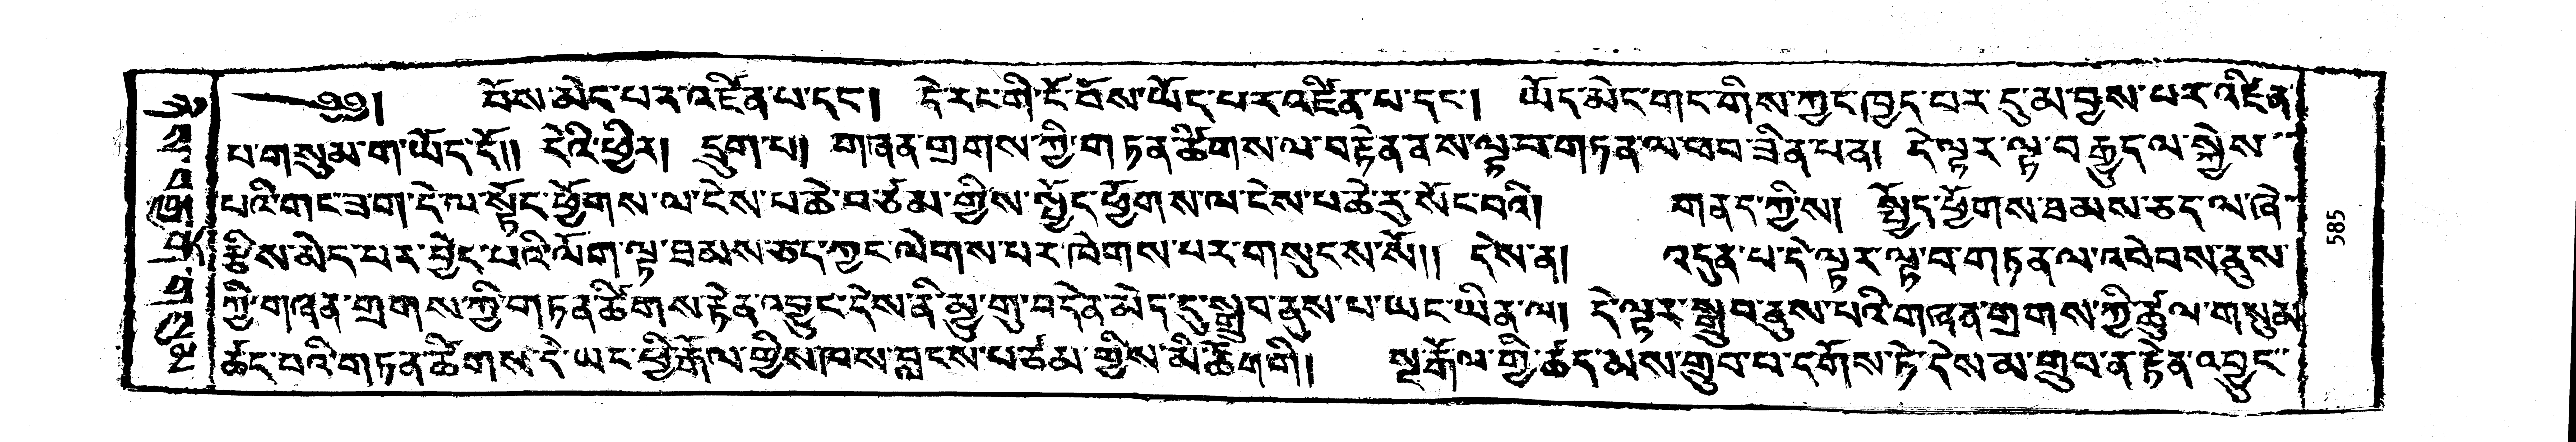༄༅། །བོས་མེད་པར་འཛིན་པ་དང་། དེ་རང་གི་ངོ་བོས་ཡོད་པར་འཛིན་པ་དང་། ཡོད་མེད་གང་གིས་ཀྱང་ཁྱད་པར་དུ་མ་བྱས་པར་འཛིན་
པ་གསུམ་ག་ཡོད་དོ། །དེའི་ཕྱིར། དྲུག་པ། གཞན་གྲགས་ཀྱི་གཏན་ཚིགས་ལ་བརྟེན་ནས་ལྟ་བ་གཏན་ལ་ཕབ་པ་ཟིན་པ་ན། དེ་ལྟར་ལྟ་བ་བརྒྱུད་ལ་སྐྱེས་
པའི་གང་ཟག་དེ་ལ་སྟོང་ཕྱོགས་ལ་ངེས་པ་ཆེ་བ་ཙམ་གྱིས་སྤྱོད་ཕྱོགས་ལ་ངེས་པ་ཆེ་རུ་སོང་བའི། གནད་ཀྱི་ས། སྤྱོད་ཕྱོགས་ཐམས་ཅད་ལ་ཞེ་
རྩིས་མེད་པར་བྱེད་པའི་ལོག་ལྟ་ཐམས་ཅད་ཀྱང་ལེགས་པར་ཁེགས་པར་གསུངས་སོ། །དེས་ན། འདུན་པ་དེ་ལྟར་ལྟ་བ་གཏན་ལ་འབེབས་ནུས་
ཀྱི་གཞན་གྲགས་ཀྱི་གཏན་ཚིགས་རྟེན་འབྱུང་དེས་ནི་མྱུ་གུ་བདེན་མེད་དུ་སྒྲུབ་ནུས་པ་ཡང་ཡིན་ལ། དེ་ལྟར་སྒྲུབ་ནུས་པའི་གཞན་གྲགས་ཀྱི་ཚུལ་གསུམ་
ཚད་པའི་གཏན་ཚིགས་དེ་ཡང་ཕྱི་རྒོལ་གྱི་ཁས་བླངས་པ་ཙམ་གྱིས་མི་ཆོག་གི། སྔ་རྒོལ་གྱི་ཚད་མས་གྲུབ་པ་དགོས་ཏེ་དེས་མ་གྲུབ་ན་རྟེན་འབྱུང་